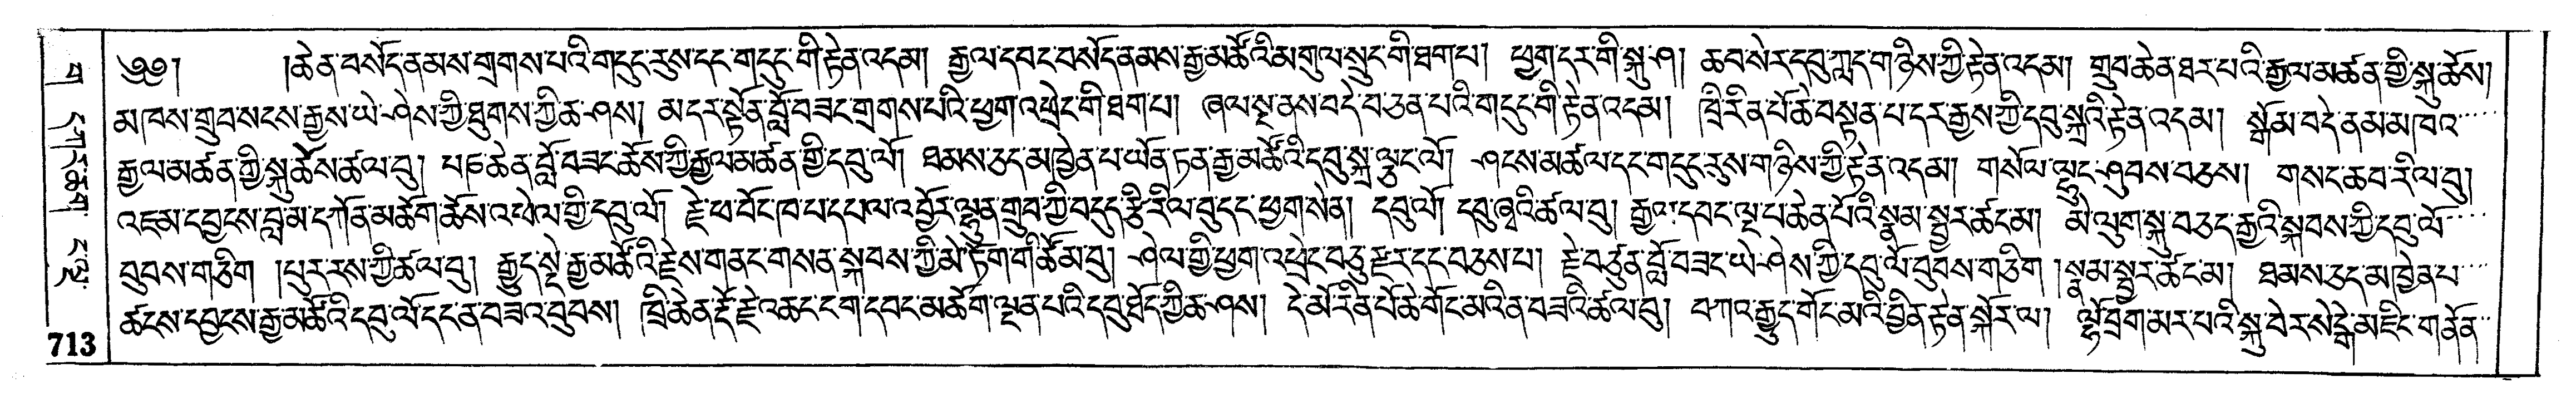ཆེན་བསོད་ནམས་གྲགས་པའི་གདུང་རུས་དང་གདུང་གི་རྟེན་འདམ། རྒྱལ་དབང་བསོད་ནམས་རྒྱ་མཚོའི་མགུལ་སྲུང་གི་ཐག་པ། ཕྱག་ངར་གི་སྐུ་ཤ། ཆབ་སེར་དབུ་ཀླད་གཉིས་ཀྱི་རྟེན་འདམ། གྲུབ་ཆེན་ཐར་བའི་རྒྱལ་མཚན་གྱི་སྐུ་ཆོས།
མཁས་གྲུབ་སངས་རྒྱས་ཡེ་ཤེས་ཀྱི་ཐུགས་ཀྱི་ཆ་ཤས། མདར་སྟོན་བློ་བཟང་གྲགས་པའི་ཕྱག་འཕྲེང་གི་ཐག་པ། ཞལ་སྔ་ནས་བདེ་བ་ཅན་བའི་གདུང་གི་རྟེན་འདམ། ཁྲི་རིན་པོ་ཆེ་བསྟན་པ་དར་རྒྱས་ཀྱི་དབུ་སྐྲའི་རྟེན་འདམ། སྒོམ་བདེ་ནམ་མཁའ་
རྒྱལ་མཚན་གྱི་སྐུ་ཆོས་ཚལ་བུ། པཎ་ཆེན་བློ་བཟང་ཆོས་ཀྱི་རྒྱལ་མཚན་གྱི་དབུ་ལོ། ཐམས་ཅད་མཁྱེན་པ་ཡོན་ཏན་རྒྱ་མཚོའི་དབུ་སྐྲ་ལྕང་ལོ། ཤངས་མཚལ་དང་གདུང་རུས་གཉིས་ཀྱི་རྟེན་འདམ། གསོལ་ལྷུང་ཤུབས་བཅས། གསང་ཆབ་རིལ་བུ།
འཇམ་དབྱངས་བླ་མ་དཀོན་མཆོག་ཆོས་འཕེལ་གྱི་དབུ་ལོ། རྗེ་ཕ་བོང་ཁ་པ་དཔལ་འབྱོར་ལྷུན་གྲུབ་ཀྱི་བདུད་རྩི་རིལ་བུ་དང་ཕྱག་སེན། དབུ་ལོ། དབུ་ཞྭའི་ཚལ་བུ། རྒྱལ་དབང་ལྔ་པ་ཆེན་པོའི་སྣམ་སྦྱར་ཚང་མ། མེ་ལུག་སྐུ་བཅད་རྒྱའི་སྐབས་ཀྱི་དབུ་ལོ་
བུབས་གཅིག །པུར་རས་ཀྱི་ཚལ་བུ། རྒྱུད་སྡེ་རྒྱ་མཚོའི་རྗེས་གནང་གནས་སྐབས་ཀྱི་མེ་ཏོག་གི་ཚོམ་བུ། ཤེལ་གྱི་ཕྱག་འཕྲེང་བཅུ་རྫར་དང་བཅས་པ། རྗེ་བཙུན་བློ་བཟང་ཡེ་ཤེས་ཀྱི་དབུ་ལོ་བུབས་གཅིག །སྣམ་སྦྱར་ཚང་མ། ཐམས་ཅད་མཁྱེན་པ་
ཚངས་དབྱངས་རྒྱ་མཚོའི་དབུ་ལོ་དང་ན་བཟའ་བུབས། ཁྲི་ཆེན་རྡོ་རྗེ་འཆང་ངག་དབང་མཆོག་ལྡན་པའི་དབུ་ཐོད་ཀྱི་ཆ་ཤས། དེ་མོ་རིན་པོ་ཆེ་གོང་མའི་ན་བཟའི་ཚལ་བུ། བཀའ་རྒྱུད་གོང་མའི་བྱིན་རྟེན་སྐོར་ལ། ལྷོ་བྲག་མར་བའི་སྐུ་བེར་སེངྒེ་མཇིང་གནོན་